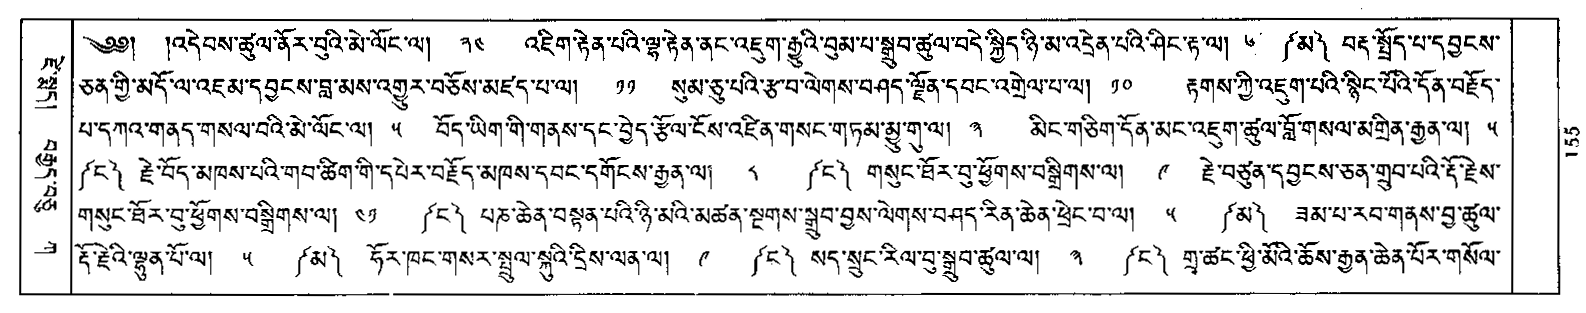༄༅། །འདེབས་ཚུལ་ནོར་བུའི་མེ་ལོང་ལ། ༢༤་འཇིག་རྟེན་པའི་ལྷ་རྟེན་ནང་འཇུག་རྒྱུའི་བུམ་པ་སྒྲུབ་ཚུལ་བདེ་སྐྱིད་ཉི་མ་འདྲེན་པའི་ཤིང་རྟ་ལ། ༦་མ྄་བརྡ་སྤྲོད་པ་དབྱངས་
ཅན་གྱི་མདོ་ལ་འཇམ་དབྱངས་བླ་མས་འགྱུར་བཅོས་མཛད་པ་ལ། ༡༡་སུམ་ཅུ་པའི་རྩ་བ་ལེགས་བཤད་ལྗོན་དབང་འགྲེལ་པ་ལ། ༡༠་རྟགས་ཀྱི་འཇུག་པའི་སྙིང་པོའི་དོན་བརྗོད་
པ་དཀའ་གནད་གསལ་བའི་མེ་ལོང་ལ། ༥་བོད་ཡིག་གི་གནས་དང་བྱེད་རྩོལ་ངོས་འཛིན་གསང་གཏམ་མྱུ་གུ་ལ། ༣་མིང་གཅིག་དོན་མང་འཇུག་ཚུལ་བློ་གསལ་མགྲིན་རྒྱན་ལ། ༥
༼ང྄་རྗེ་བོད་མཁས་པའི་གབ་ཚིག་གི་དཔེར་བརྗོད་མཁས་དབང་དགོངས་རྒྱན་ལ། ༨་༽ང྄་གསུང་ཐོར་བུ་ཕྱོགས་བསྒྲིགས་ལ། ༩་རྗེ་བཙུན་དབྱངས་ཅན་གྲུབ་པའི་རྡོ་རྗེས་
གསུང་ཐོར་བུ་ཕྱོགས་བསྒྲིགས་ལ། ༤༡ ༼ང྄་པཎ་ཆེན་བསྟན་པའི་ཉི་མའི་མཚན་སྔགས་སྒྲུབ་བྱས་ལེགས་བཤད་རིན་ཆེན་ཕྲེང་བ་ལ། ༥་༽མ྄་ཟམ་པ་རབ་གནས་བྱ་ཚུལ་
རྡོ་རྗེའི་ལྷུན་པོ་ལ། ༥ ༼མ྄་ཧོར་ཁང་གསར་སྤྲུལ་སྐུའི་དྲིས་ལན་ལ། ༩་༽ང྄་སད་སྲུང་རིལ་བུ་སྒྲུབ་ཚུལ་ལ། ༣་ང྄་གྲྭ་ཚང་ཕྱི་མོའི་ཆོས་རྒྱན་ཆེན་པོར་གསོལ་